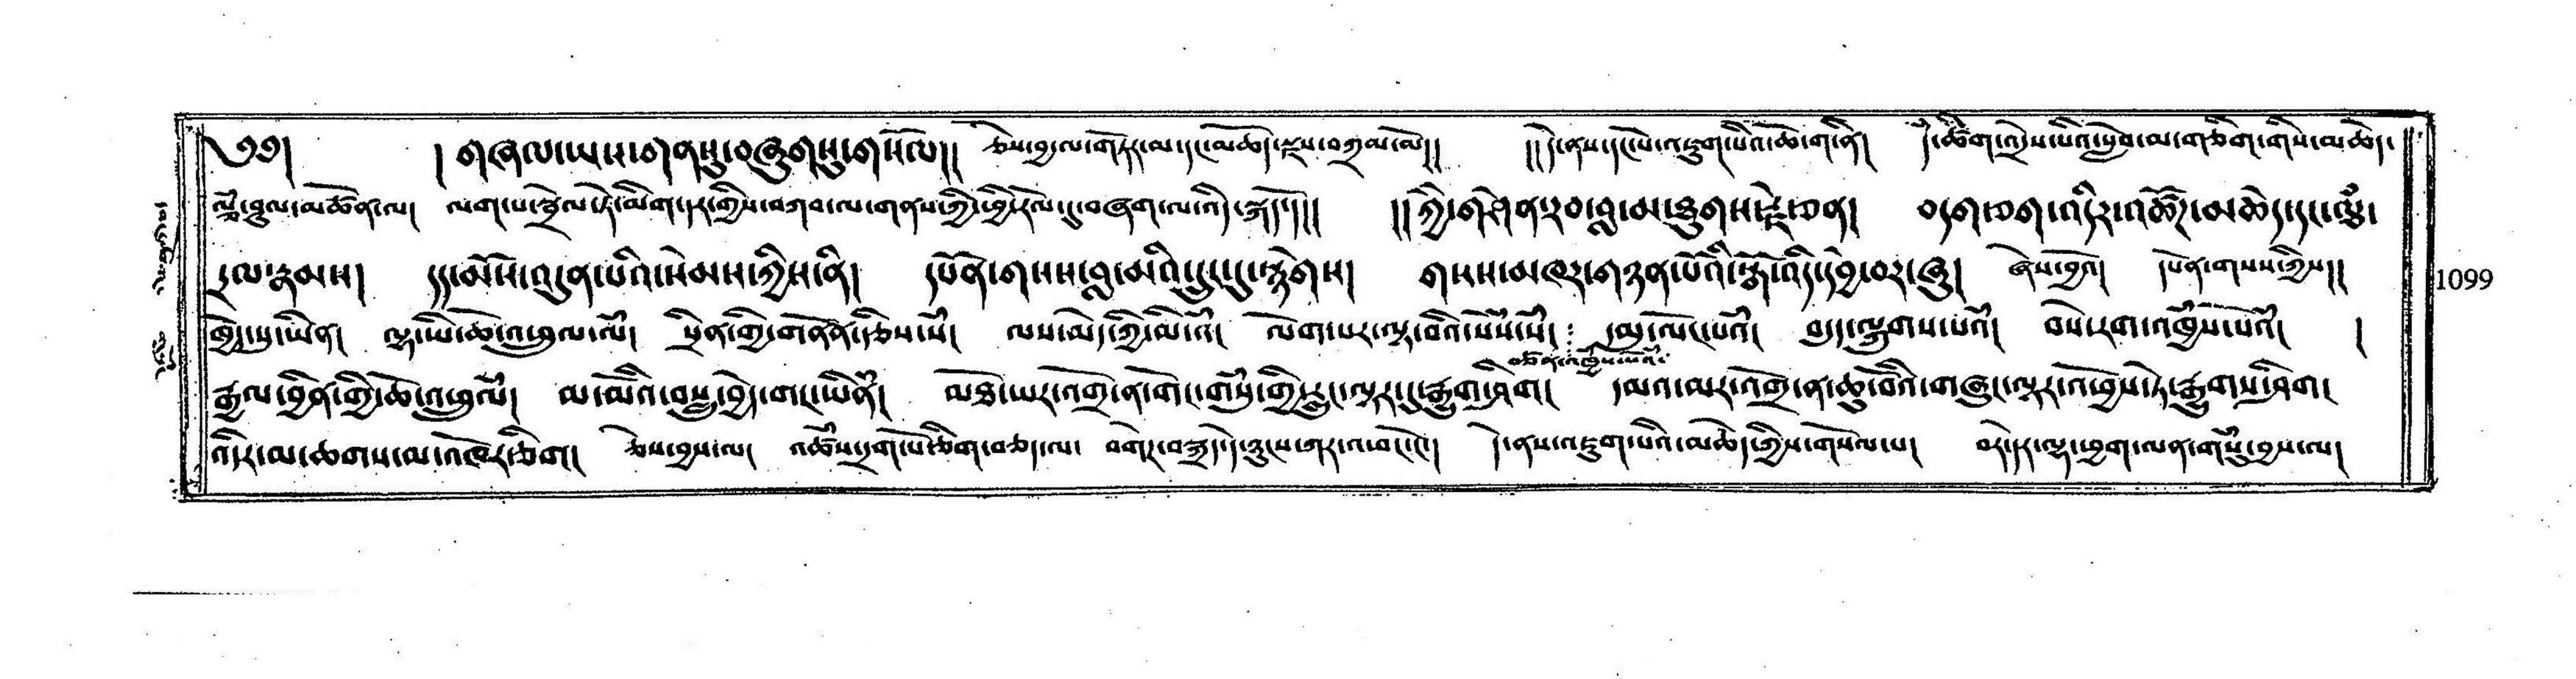གཞལ་ཡས་གནས་སུ་བཞུགས་སུ་གསོལ།། ཅེས་བྱ་ལ་གཏོར་མ་དང་མཆོད་རྫས་བཀྲམ་མོ།། །།དེ་ནས་དང་པོ་འཇུག་པའི་ཆོ་ག་ནི། དམ་ཚིག་འདྲེས་པའི་སློབ་མ་གཅིག་གིས་མཆེད་
ལྕམ་ཤུལ་མཚོན་ལ། ལག་པ་སྦྲེལ་ཏེ། མིག་དར་གྱིས་བཀབ་ལ་གནས་ཀྱི་ཕྱི་རོལ་དུ་བཞག་ལ་འདི་སྐད་དོ།། །།ཀྱཻ་གཤེན་རབ་བླ་མ་ཐུགས་རྗེ་ཅན།། བདག་ཅག་འདིར་འཚོགས་མཆེད་དང་ལྕམ་
དྲལ་རྣམས། དད་མོས་འདུན་པའི་སེམས་ཀྱིས་ནི། དཔོན་གསས་བླ་མའི་དྲུང་དུ་སྙེགས། གསས་མཁར་གཉེན་པོའི་སྒོ་འདི་དབྱེ་བར་ཞུ། ཞེས་བྱའོ། དཔོན་གསས་ཀྱིས།། 
ཁྱོད་སུ་ཡིན། ལྷ་ཡི་ཆོ་འཕྲུལ་ལམ། སྲིན་གྱི་གནོན་རྩིས་སམ། ལས་{1118}མེད་ཀྱི་མིའམ། ལོག་པར་ལྟ་བའི་སེམས་སམ། བཙན་འཁྱམས་པོའམ། དམུ་ལོང་པའམ། བདུད་ལྐུགས་པའམ། བསེ་རག་འཁྱམས་པོའམ། 
རྒྱལ་བྱིན་གྱི་ཆོ་འཕྲུལ་ལམ། མ་མོའི་བསླུ་བྱེད་གང་ཡིན་ནམ། མཐོ་ཡར་འགྲོ་ན་གོང་གསུམ་གྱི་རླུང་ལྟར་དུ་རྒྱུག་ཤིག དམའ་མར་འགྲོ་ན་ཆུ་བོའི་གཞུང་ལྟར་འཕྱོས་ཏེ་རྒྱུགས་ཤིག།
འདིར་མ་ཆགས་མ་འཁོར་ཅིག ཅེས་བྱས་ལ། འཚམས་དྲག་པོ་ཅིག་བཅད་ལ། བགེགས་བསྐྲད་དེ་ཉུངས་ཀར་འཕང་ངོ་། དེ་ནས་འཇུག་པའི་མཆེད་ཀྱིས་གསོལ་པ། བར་དེར་ལྷ་ཕྱག་ལན་གསུམ་བྱས་ལ།།